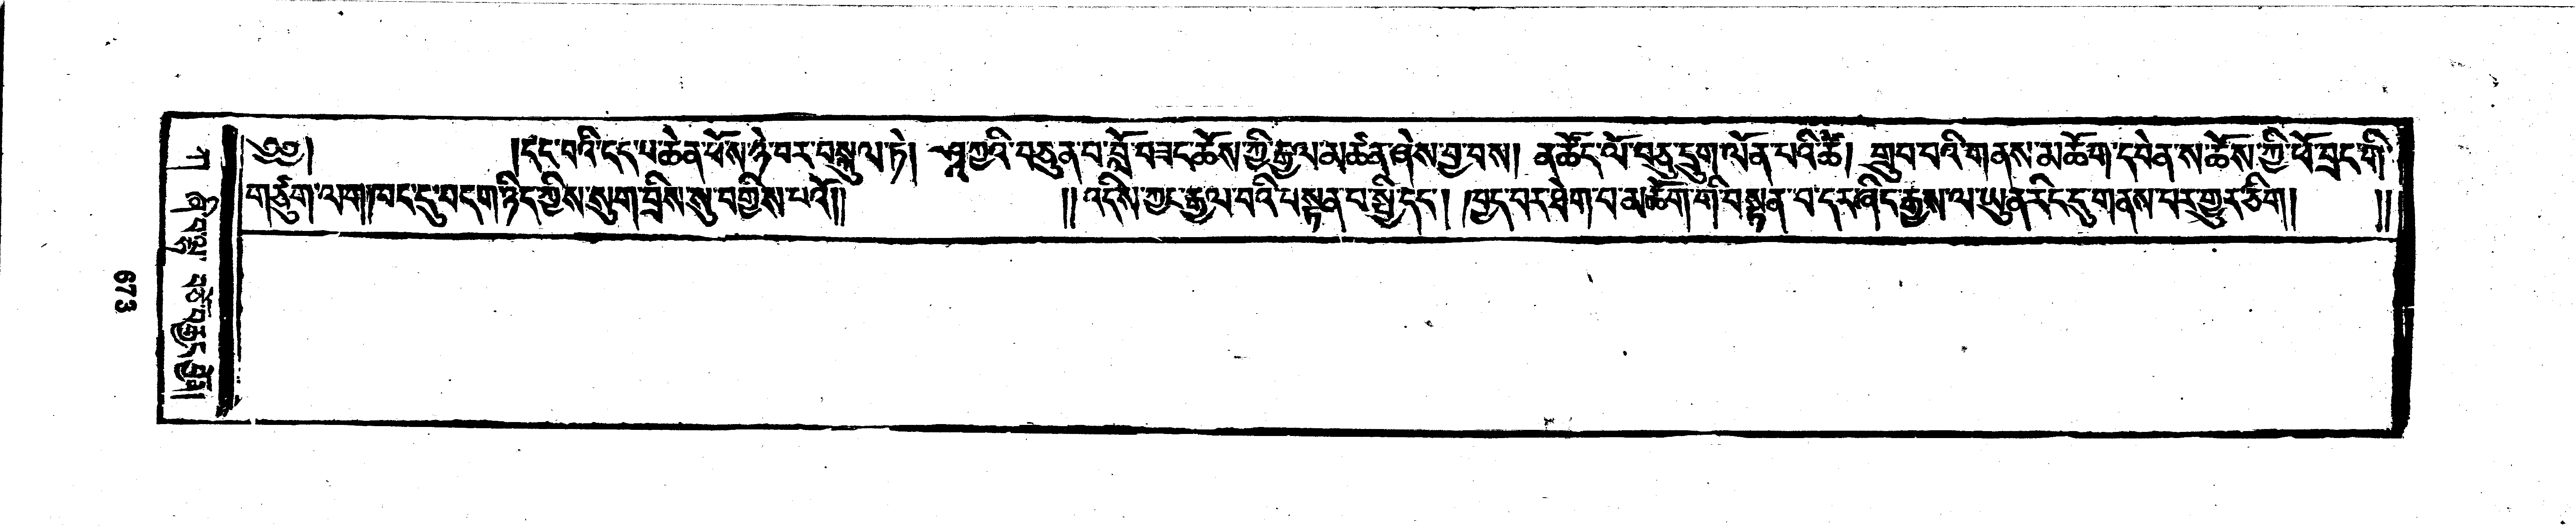༄༅། །དང་བའི་དད་པ་ཆེན་པོས་ཉེ་བར་བསྐུལ་ཏེ། ཤཱཀྱའི་བཙུན་པ་བློ་བཟང་ཆོས་ཀྱི་རྒྱལ་མཚན་ཞེས་བྱ་བས། ན་ཚོད་ལོ་བཅུ་དྲུག་ལོན་པའི་ཚེ། གྲུབ་པའི་གནས་མཆོག་དབེན་ས་ཆོས་ཀྱི་ཕོ་བྲང་གི་
གཙུག་ལག་ཁང་དུ་བདག་ཉིད་ཀྱིས་སུག་བྲིས་སུ་བགྱིས་པའོ།། །།འདིས་ཀྱང་རྒྱལ་བའི་བསྟན་པ་སྤྱི་དང་། ཁྱད་པར་ཐེག་པ་མཆོག་གི་བསྟན་པ་དར་ཞིང་རྒྱས་ལ་ཡུན་རིང་དུ་གནས་པར་གྱུར་ཅིག ། །།